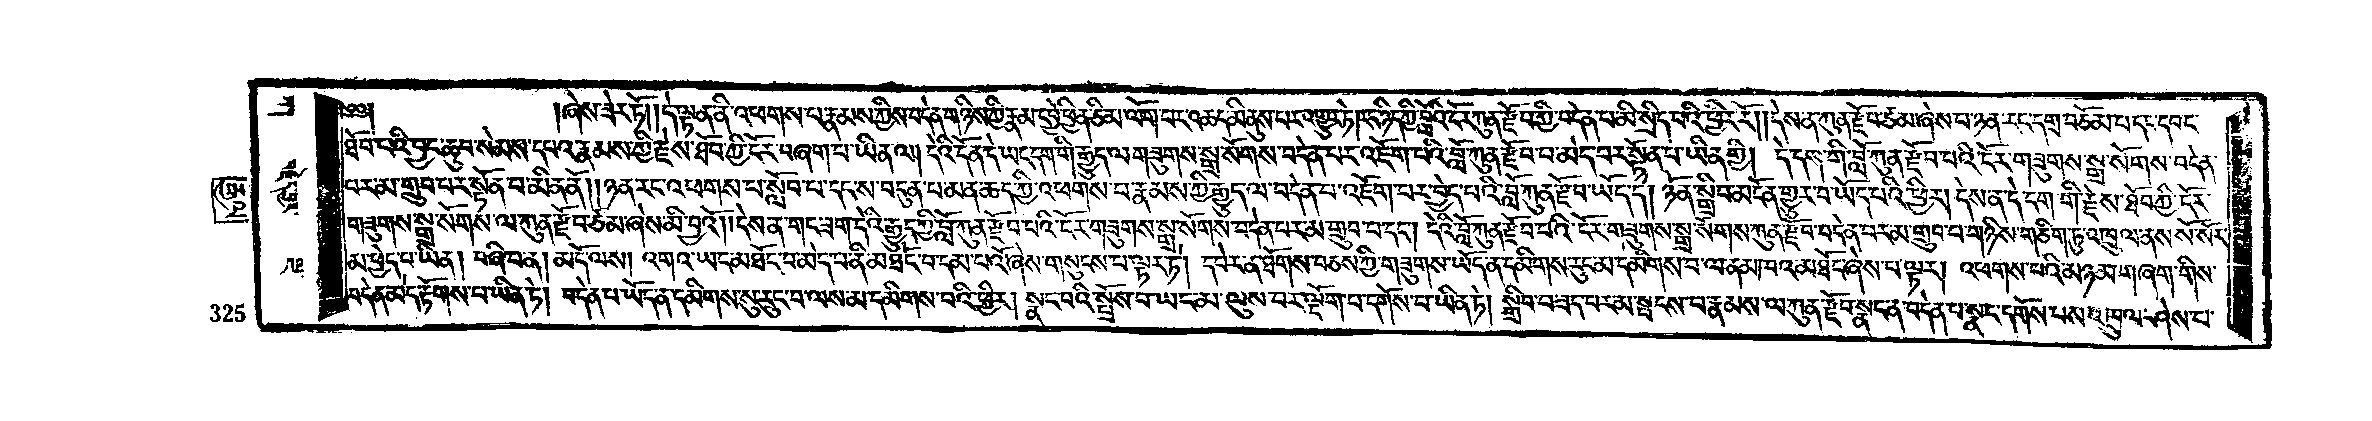༄༅། །ཞེས་ཟེར་ཏོ། །དེ་ལྟ་ན་ནི་འཕགས་པ་རྣམས་ཀྱིས་བདེན་གཉིས་ཀྱི་རྣམ་དབྱེ་ཕྱིན་ཅི་མ་ལོག་པར་འཆད་མི་ནུས་པར་འགྱུར་ཏེ། རང་ཉིད་ཀྱི་བློའི་ངོར་ཀུན་རྫོབ་ཀྱི་བདེན་པ་མི་སྲིད་པའི་ཕྱིར་རོ། །དེ་ན་ཀུན་རྫོབ་ཙམ་ཞེས་པ་ཉན་རང་དགྲ་བཅོམ་པ་དང་དབང་
ཐོབ་པའི་བྱང་ཆུབ་སེམས་དཔའ་རྣམས་ཀྱི་རྗེས་ཐོབ་ཀྱི་ངོར་བཞག་པ་ཡིན་ལ། དེའི་དོན་དེ་ཡང་དག་གི་རྒྱུད་ལ་གཟུགས་སྒྲ་སོགས་བདེན་པར་འཇོག་པའི་བློ་ཀུན་རྫོབ་པ་མེད་པར་སྟོན་པ་ཡིན་གྱི། དེ་དག་གི་བློ་ཀུན་རྫོབ་པའི་ངོར་གཟུགས་སྒྲ་སོགས་བདེན་
པར་མ་གྲུབ་པར་སྟོན་པ་མིན་ནོ། །ཉན་རང་འཕགས་པ་སློབ་པ་དང་ས་བདུན་པ་མན་ཆད་ཀྱི་འཕགས་པ་རྣམས་ཀྱི་རྒྱུད་ལ་བདེན་པ་འཇོག་པར་བྱེད་པའི་བློ་ཀུན་རྫོབ་པ་ཡོད་དེ། ཉོན་སྒྲིབ་མངོན་གྱུར་པ་ཡོད་པའི་ཕྱིར། དེས་ན་དེ་དག་གི་རྗེས་ཐོབ་ཀྱི་ངོར་
གཟུགས་སྒྲ་སོགས་ལ་ཀུན་རྫོབ་ཙམ་ཞེས་མི་བྱའོ། །དེས་ན་གང་ཟག་དེའི་རྒྱུད་ཀྱི་བློ་ཀུན་རྫོབ་པའི་ངོར་གཟུགས་སྒྲ་སོགས་བདེན་པར་མ་གྲུབ་པ་དང་། དེའི་བློ་ཀུན་རྫོབ་པའི་ངོར་གཟུགས་སྒྲ་སོགས་ཀུན་རྫོབ་བདེན་པར་མ་གྲུབ་པ་གཉིས་གཅིག་ཏུ་འཁྲུལ་ནས་སོ་སོར་
མ་ཕྱེད་པ་ཡིན། བཞི་པ་ནི། མདོ་ལས། འགའ་ཡང་མཐོང་བ་མེད་པ་ནི་མཐོང་བ་དམ་པའོ་ཞེས་གསུངས་པ་ལྟར་ཏེ། དཔེར་ན་ཐོགས་བཅས་ཀྱི་གཟུགས་ཡོད་ན་དམིགས་རུང་མ་དམིགས་པ་ལ་ནམ་མཁའ་མཐོང་ཞེས་པ་ལྟར། འཕགས་པའི་མཉམ་གཞག་གིས་
བདེན་མེད་རྟོགས་པ་ཡིན་ཏེ། བདེན་པ་ཡོད་ན་དམིགས་སུ་རུང་བ་ལས་མ་དམིགས་པའི་ཕྱིར། སྣང་བའི་སྤྲོས་པ་ཡང་མ་ལུས་པར་ལྡོག་པ་དགོས་པ་ཡིན་ཏེ། སྒྲིབ་པ་ཟད་པར་མ་སྤངས་པ་རྣམས་ལ་ཀུན་རྫོབ་སྣང་ན་བདེན་པ་སྣང་དགོས་པས་འཁྲུལ་ཤེས་པ་